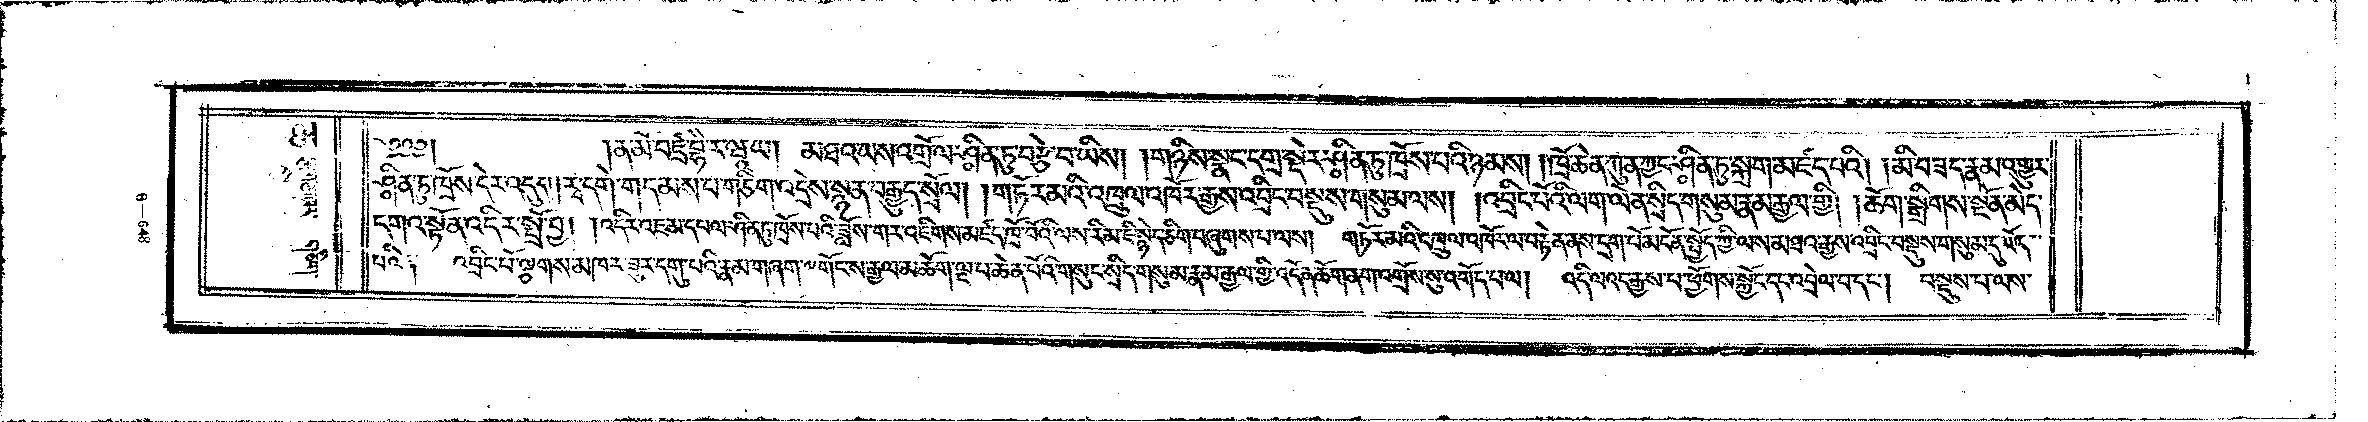༄༅༅། །ན་མོ་བཛྲ་བྷཻ་ར་ཝཱ་ཡ། མཐའ་ཡས་འགྲོ་ལ་ཤིན྾་ཏུ་བརྩེ་བ་ཡིས། །གཉིས་སྣང་དགྲ་སྡེར་ཤིན྾་ཏུ་ཁྲོས་པའི་ཉམས། །ཁྲོ་ཆེན་ཀུན་ཀྱང་ཤིན྾་ཏུ་སྐྲག་མཛད་པའི། །མི་བཟད་རྣམ་འགྱུར་
ཤིན྾་ཏུ་ཁྲོས་དེར་འདུད། །རྭ་དགེ་གདམས་པ་གཅིག་འདྲེས་སྙན་བརྒྱུད་སྲོལ། །གཏོར་མའི་འཁྲུལ་འཁོར་རྒྱས་འབྲིང་བསྡུས་གསུམ་ལས། །འབྲིང་པོའི་ལག་ལེན་སྲིད་གསུམ་རྣམ་རྒྱལ་གྱི། །ཆོག་སྒྲིགས་སྔོན་མེད་
དགའ་སྟོན་འདིར་སྤྲོ་བྱ། །འདིར་འཇམ་དཔལ་ཤིན྾་ཏུ་ཁྲོས་པའི་ཟློས་གར་འཇིགས་མཛད་ཁྲོ་བོའི་ལས་རིམ་ཇི་སྙེད་ཅིག་བཞུགས་པ་ལས། གཏོར་མའི་འཁྲུལ་འཁོར་ལ་བརྟེན་ནས་དྲག་པོ་མངོན་སྤྱོད་ཀྱི་ལས་མཐའ་རྒྱས་འབྲིང་བསྡུས་གསུམ་དུ་ཡོད་
པའི༑ འབྲིང་པོ་ལྕགས་མཁར་ཟུར་དགུ་པའི་རྣམ་གཞག ༧གོང་ས་རྒྱལ་མཆོག་ལྔ་པ་ཆེན་པོའི་གསུང་སྲིད་གསུམ་རྣམ་རྒྱལ་གྱི་འདོན་ཆོག་ནག་འགྲོས་སུ་འགོད་པ་ལ། འདི་ལའང་རྒྱས་པ་ཕྱོགས་སྐྱོང་དང་འབྲེལ་བ་དང་། བསྡུས་པ་ལས་